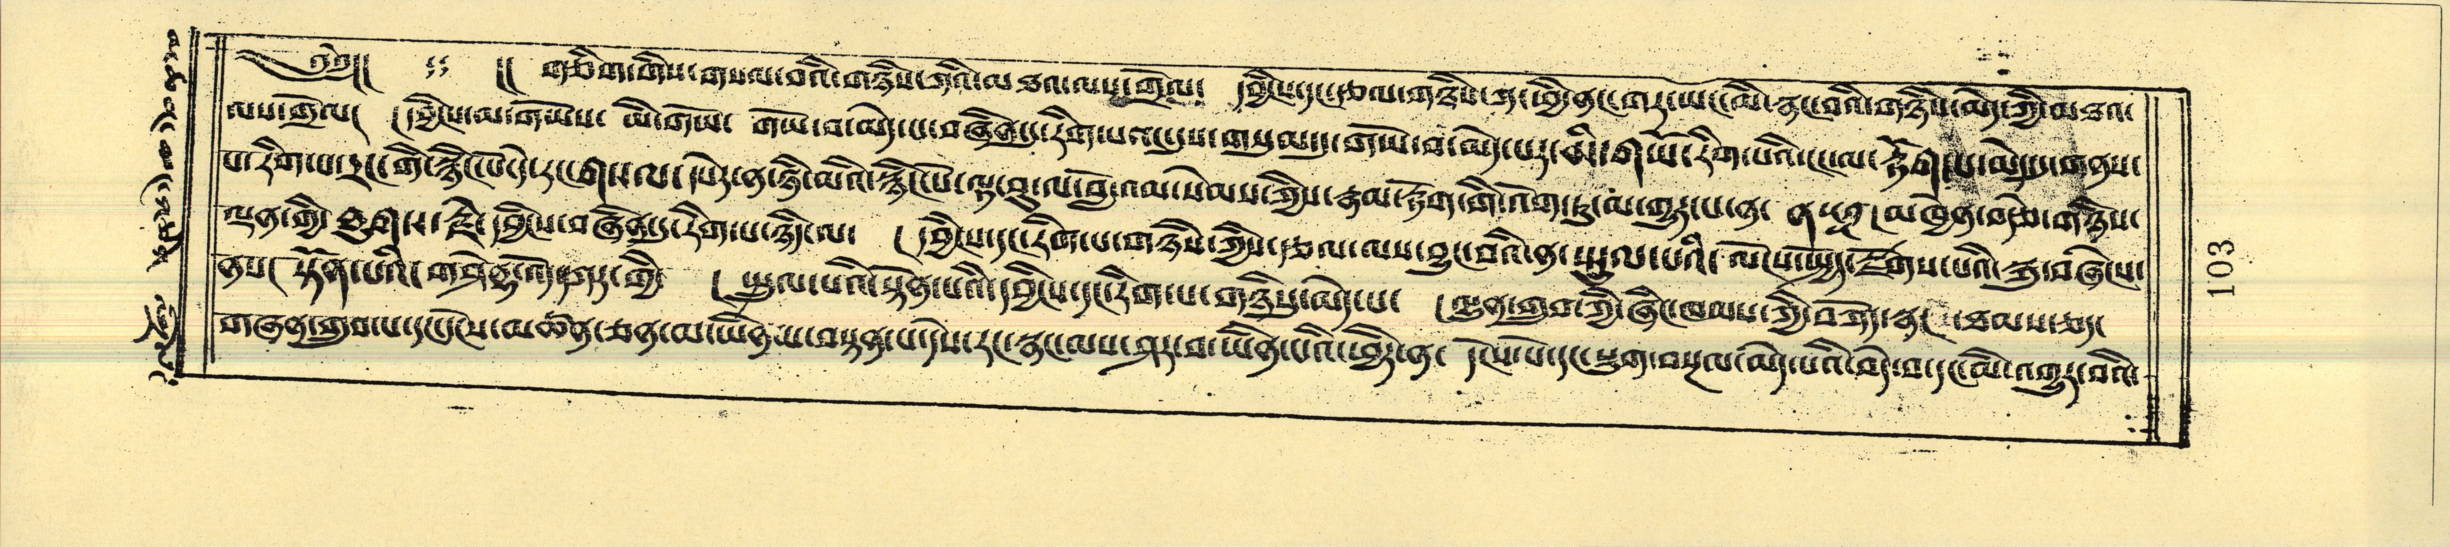གཅིག་གིས་གསལ་བའི་གཉིས་ཀའི་མཐའ་ལས་གྲོལ། དབྱིངས་དང་རྩལ་གཉིས་ཀ་ཕྱི་ནང་གར་ཡང་མི་སྣང་བའི་གཉིས་མེད་ཀྱི་མཐའ་
ལས་གྲོལ། དབྱིངས་མ་གཡོས་མི་གཡོ་གཡོ་བ་མེད་པ་བཞིན་དུ་རིག་པའང་དུས་གསུམ་དུ་གཡོ་བ་མེད་པར་༼མི་གཡོ༽རིག་པའི་ངང་ལ་༼རྟོག་པ་༽མེད་དུ་གནས་
པ་རིག་པ་༼རང་༽གི་སྙིང་པོ་དེ་རང་༼གསལ༽དཔེར་ན་ཉི་མའི་སྙིང་པོ་ལྟ་བུ་ལ་བློའམ་སེམས་ཀྱིས་རྣམ་རྟོག་གི་འོག་ཏུ་མ་གྱུར་པ་ན་ན༥༡།༥ མཁྱེན་བརྩེ་གཉིས་
ལྡན་གྱི་༼ཐུགས་རྗེ༽དབྱིངས་བཞིན་དུ་རིག་པ་ཉིད་ལ་དབྱིངས་དང་རིག་པ་གཉིས་ཀྱི་རྩལ་ལས་བྱུང་བས་ན་༼སྤྲུལ་པའི༽ལོངས་སྤྱོད་རྫོགས་པའི་སྐུ་བཞེངས་
ནས་༼སྟོན་པའི༽གཤེན་ལྷ་འོད་དཀར་གྱི་སྤྲུལ་པའི་སྟོན་པའི་དབྱིངས་དང་རིག་པ་གཉིས་སུ་མེད་པ་ལྷུན་གྲུབ་ཀྱི་ཞིང་ཁམས་ཀྱི་བཀོད་སྣང་ཐམས་ཅད་
གཞན་གྲུབ་པ་དང་དངོས་མཚན་ཅན་མ་ཡིན་པ་བསྟན་པ་དེས་རང་སྣང་ལས་ཤར་བ་ཡིན་པའི་ཕྱིར་ན། དངོས་པོ་དང་སྡུག་བསྔལ་མེད་པའི་བདེ་བ་དང་མི་འགྱུར་བའི་